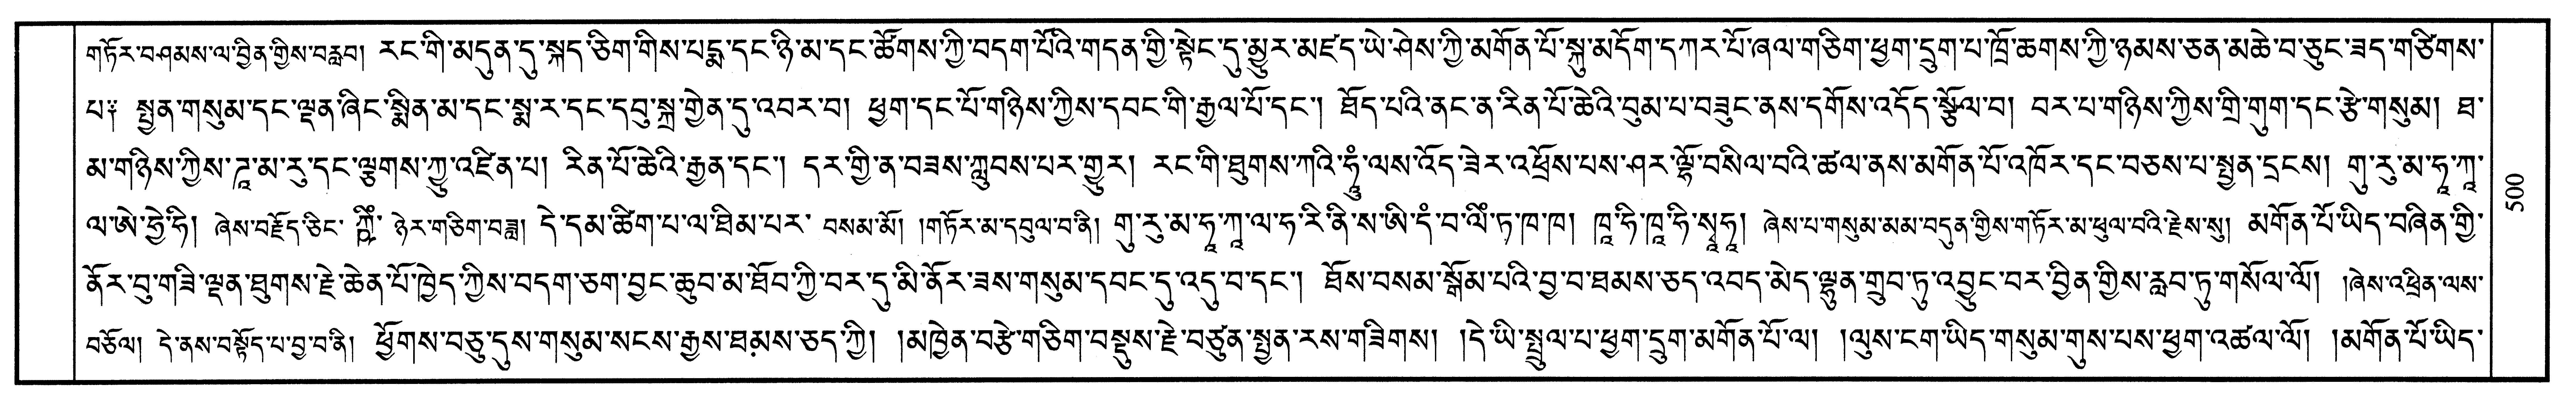གཏོར་བཤམས་ལ་བྱིན་གྱིས་བརླབ། རང་གི་མདུན་དུ་སྐད་ཅིག་གིས་པདམ་དང་ཉི་མ་དང་ཚོགས་ཀྱི་བདག་པོའི་གདན་གྱི་སྟེང་དུ་མྱུར་མཛད་ཡེ་ཤེས་ཀྱི་མགོན་པོ་སྐུ་མདོག་དཀར་པོ་ཞལ་གཅིག་ཕྱག་དྲུག་པ་ཁྲོ་ཆགས་ཀྱི་ཉམས་ཅན་མཆེ་བ་ཅུང་ཟད་གཙིགས་
པ༑ སྤྱན་གསུམ་དང་ལྡན་ཞིང་སྨིན་མ་དང་སྨ་ར་དང་དབུ་སྐྲ་གྱེན་དུ་འབར་བ། ཕྱག་དང་པོ་གཉིས་ཀྱིས་དབང་གི་རྒྱལ་པོ་དང་། ཐོད་པའི་ནང་ན་རིན་པོ་ཆེའི་བུམ་པ་བཟུང་ནས་དགོས་འདོད་སྩོལ་བ། བར་པ་གཉིས་ཀྱིས་གྲི་གུག་དང་རྩེ་གསུམ། ཐ་
མ་གཉིས་ཀྱིས་ཌཱ་མ་རུ་དང་ལྕགས་ཀྱུ་འཛིན་པ། རིན་པོ་ཆེའི་རྒྱན་དང་། དར་གྱི་ན་བཟས་ཀླུབས་པར་གྱུར། རང་གི་ཐུགས་ཀའི་ཧཱུཾ་ལས་འོད་ཟེར་འཕྲོས་པས་ཤར་ལྷོ་བསིལ་བའི་ཚལ་ནས་མགོན་པོ་འཁོར་དང་བཅས་པ་སྤྱན་དྲངས། གུ་རུ་མ་ཧཱ་ཀཱ་
ལ་ཨེ་ཧྱེ་ཧི། ཞེས་བརྗོད་ཅིང་ཀྵིཾ་ཉེར་གཅིག་བཟླ། དེ་དམ་ཚིག་པ་ལ་ཐིམ་པར་བསམ་མོ། །གཏོར་མ་དབུལ་བ་ནི། གུ་རུ་མ་ཧཱ་ཀཱ་ལ་ཧ་རི་ནི་ས་ཨི་དཾ་བ་ལིཾ་ཏ་ཁ་ཁ། ཁཱ་ཧི་ཁཱ་ཧི་སྭཱ་ཧཱ། ཞེས་པ་གསུམ་མམ་བདུན་གྱིས་གཏོར་མ་ཕུལ་བའི་རྗེས་སུ། མགོན་པོ་ཡིད་བཞིན་གྱི་
ནོར་བུ་གཟི་ལྡན་ཐུགས་རྗེ་ཆེན་པོ་ཁྱེད་ཀྱིས་བདག་ཅག་བྱང་ཆུབ་མ་ཐོབ་ཀྱི་བར་དུ་མི་ནོར་ཟས་གསུམ་དབང་དུ་འདུ་བ་དང་། ཐོས་བསམ་སྒོམ་པའི་བྱ་བ་ཐམས་ཅད་འབད་མེད་ལྷུན་གྲུབ་ཏུ་འབྱུང་བར་བྱིན་གྱིས་རླབ་ཏུ་གསོལ་ལོ། །ཞེས་འཕྲིན་ལས་
བཅོལ། དེ་ནས་བསྟོད་པ་བྱ་བ་ནི། ཕྱོགས་བཅུ་དུས་གསུམ་སངས་རྒྱས་ཐམས་ཅད་ཀྱི། །མཁྱེན་བརྩེ་གཅིག་བསྡུས་རྗེ་བཙུན་སྤྱན་རས་གཟིགས། །དེ་ཡི་སྤྲུལ་པ་ཕྱག་དྲུག་མགོན་པོ་ལ། །ལུས་ངག་ཡིད་གསུམ་གུས་པས་ཕྱག་འཚལ་ལོ། །མགོན་པོ་ཡིད་